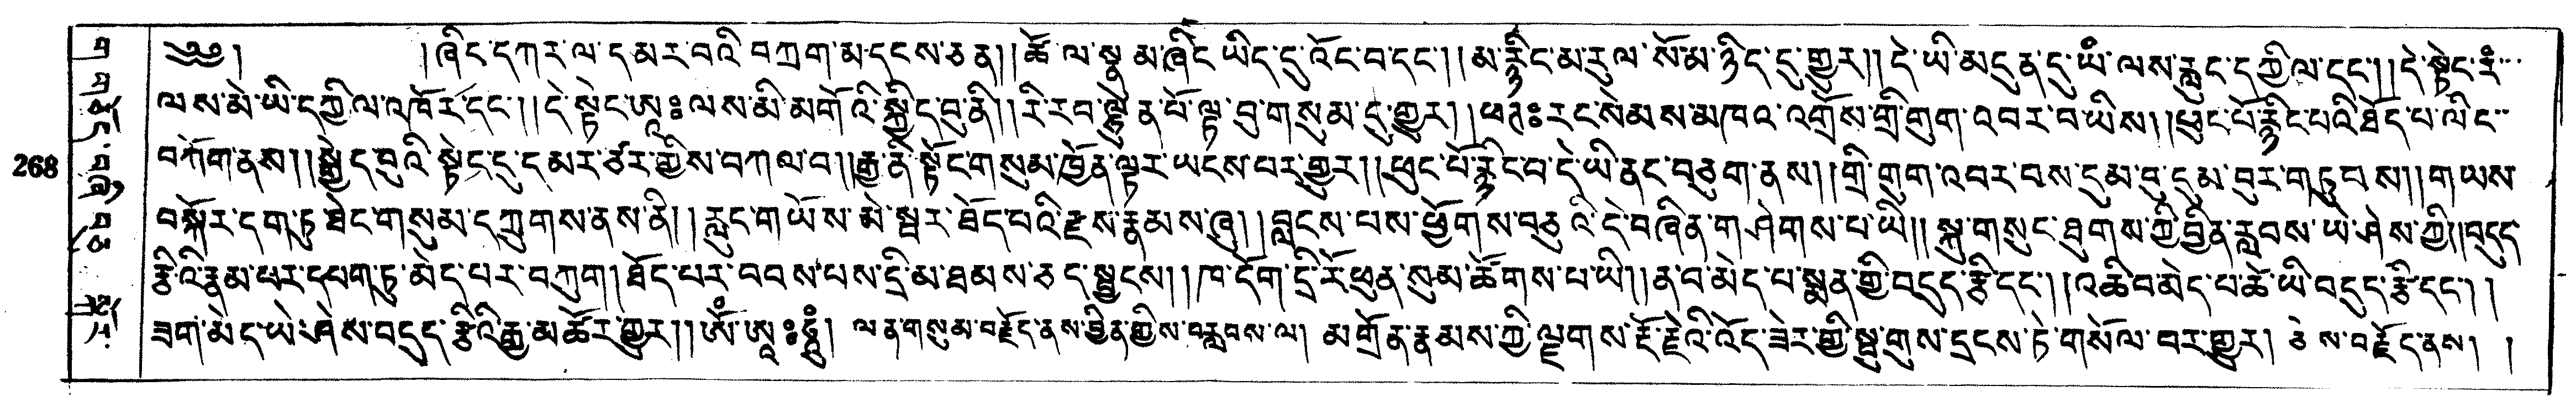༄༅། །ཞིང་དཀར་ལ་དམར་བའི་བཀྲག་མ་དངས་ཅན། །ཚོ་ལ་སྣམ་ཞིང་ཡིད་དུ་འོང་བ་དང་། །མ་རྙིང་མ་རུལ་སོ་མ་ཉིད་དུ་གྱུར། །དེ་ཡི་མདུན་དུ་ཡཾ་ལས་རླུང་དཀྱིལ་དང་། །དེ་སྟེང་རཾ་
ལས་མེ་ཡི་དཀྱིལ་འཁོར་དང་། །དེ་སྟེང་ཨཱཿ ལས་མི་མགོའི་སྐྱིད་བུ་ནི། །རི་རབ་ལྷུན་པོ་ལྟ་བུ་གསུམ་དུ་གྱུར། །ཕཊཿ རང་སེམས་མྷའ་འགྲོས་གྲི་གུག་འབ་བ་ཡིས། །པུང་པོ་རྙིང་པའི་ཐོད་པ་ལིང་
བཀོག་ནས། །སྐྱེ་དབུའི་སྟེང་དུ་དམར་ཙར་གྱིས་བཀལ་བ། །རྒྱན་སྟོང་གསུམ་ཀྱོན་ལྟ་ཡངས་བར་གྱུར། །ཕུང་པོ་རྙིང་བ་དེ་ཡི་ནང་བཅུག་ནས། །གྲི་གུག་འབར་བས་དུ་མ་བུ་དུམ་བུར་གཏབས། །གཡས་
བསོརར་དག་ཏུ་ཐེན་གསུམ་དཀྲུགས་ནས་ནི། །ལུང་གཡོས་མེ་སྤརར་ཏྠོད་པའི་རྫས་རྣམས་ཞུ། །བླངས་པས་ཕྱོགས་བཅུའི་དེ་བཞིན་གཤེགས་པ་ཡི། །སུ་གསུང་ཐུགས་ཀྱི་བྱིན་རླབས་ཡེ་ཤེས་ཡི། །བདུད་
རྩིའི་རྣམ་པར་དཔག་ཏུ་མེད་པར་ཀུག །ཐོད་པར་བབས་པས་དྲི་མ་ཐམས་ཅད་སྦྱངས། །ཁ་དོག་དྲི་རོ་ཕུན་སུམ་ཚོགས་པ་ཡི། །ན་བ་མེད་པ་སྨན་གྱི་བདུད་ཙི་དང་། །འཆི་བ་མེད་པ་ཚེ་ཡི་བདུད་རྩི་དང་། །
ཟག་མེད་ཡེ་ཤེས་བདུད་རྩིའི་རྒྱ་མཚོར་གྱུར། །ཨ྾མ་ཨཱཿ ཧཱུཾ། ལན་གསུམ་རྗོད་ནས་བྱིན་གྱིས་བརླབས་ལ། མགྲོན་རྣམས་ཀྱི་ལྗགས་རྡོ་རྗེའི་འོད་ཟེར་གྱི་སྦུ་གུས་དྲངས་ཏེ་གསོལ་བར་གྱུར། ཅེས་རྗོད་ནས། །